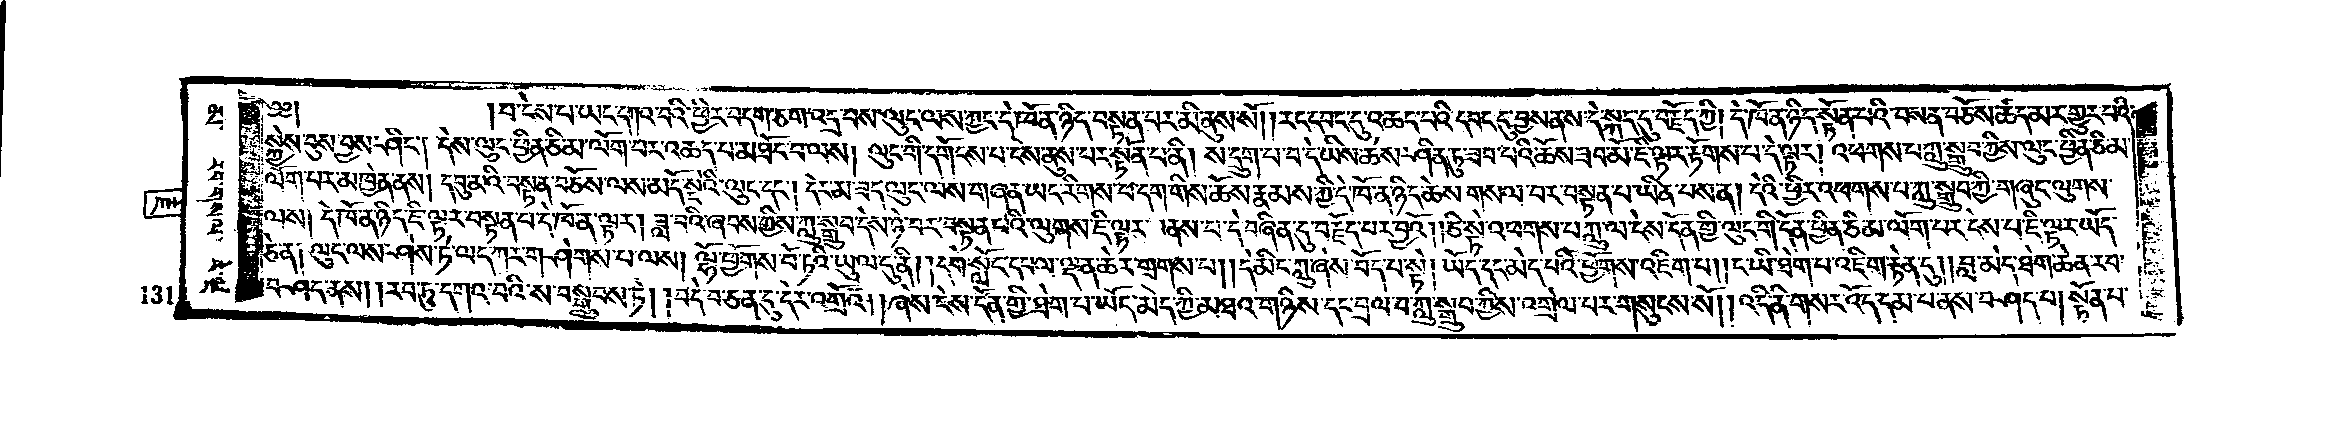༄༅། །པ་ངེས་པ་ཡང་དཀའ་བའི་ཕྱིར་བདག་ཅག་འདྲ་བས་ལུང་ལས་ཀྱང་དེ་ཁོ་ན་ཉིད་བསྟན་པར་མི་ནུས་སོ། །རང་དབང་དུ་འཆད་པའི་དབང་དུ་བྱས་ནས་དེ་སྐད་དུ་བརྗོད་ཀྱི། དེ་ཁོ་ན་ཉིད་སྟོན་པའི་བསྟན་པའི་བསྟན་བཅོས་ཚད་མར་གྱུར་པའི་
སྐྱེས་བུས་བྱས་ཤིང་། དེས་ལུང་ཕྱིན་ཅི་མ་ལོག་པར་འཆད་པ་མཐོང་བ་ལས། ལུང་གི་དགོངས་པ་ངེས་ནུས་པར་སྟོན་པ་ནི། ས་དྲུག་པ་བ་དེ་ཡིས་ཆེས་ཤིན་ཏུ་ཟབ་པའི་ཆོས་ཟབ་མོ་ཇི་ལྟར་རྟོགས་པ་དེ་ལྟར། འཕགས་པ་ཀླུ་སྒྲུབ་ཀྱིས་ལུང་ཕྱིན་ཅི་མ་
ལོག་པར་མཁྱེན་ནས། དབུ་མའི་བསྟན་བཅོས་ལས་མདོ་སྡེའི་ལུང་དང་། དེར་མ་ཟད་ལུང་ལས་གཞན་ཡང་རིགས་པ་དག་གིས་ཆོས་རྣམས་ཀྱི་དེ་ཁོ་ན་ཉིད་ཆོས་གསལ་བར་བསྟན་པ་ཡིན་པས་ན། དེའི་ཕྱིར་འཕགས་པ་ཀླུ་སྒྲུབ་ཀྱི་གཞུང་ལུགས་
ལས། དེ་ཁོ་ན་ཉིད་ཇི་ལྟར་བསྟན་པ་དེ་ཁོ་ན་ལྟར། ཟླ་བའི་ཞབས་ཀྱིས་ཀླུ་སྒྲུབ་དེས་ཉེ་བར་བསྟན་པའི་ལུགས་ཇི་ལྟར་གནས་པ་དེ་བཞིན་དུ་བརྗོད་པར་བྱའོ། །ཅི་སྟེ་འཕགས་པ་ཀླུ་ལ་ངེས་དོན་གྱི་ལུང་གི་དོན་ཕྱིན་ཅི་མ་ལོག་པར་ངེས་པ་ཇི་ལྟར་ཡོད་
ཅེ་ན། ལུང་ལས་ཤེས་ཏེ་ལང་ཀར་གཤེགས་པ་ལས། ལྷོ་ཕྱོགས་བེ་ཏའི་ཡུལ་དུ་ནི། །དགེ་སློང་དཔལ་ལྡན་ཆེར་གྲགས་པ། །དེ་མིང་ཀླུ་ཞེས་བོད་པ་སྟེ། ཡོད་དང་མེད་པའི་ཕྱོགས་འཇིག་པ། །ང་ཡི་ཐེག་པ་འཇིག་རྟེན་དུ། །བླ་མེད་ཐེག་ཆེན་རབ་
བཤད་ནས། །རབ་ཏུ་དགའ་བའི་ས་བསྒྲུབས་ཏེ། །བདེ་བ་ཅན་དུ་དེར་འགྲོའོ། །ཞེས་ངེས་དོན་གྱི་ཐེག་པ་ཡོད་མེད་ཀྱི་མཐའ་གཉིས་དང་བྲལ་བ་ཀླུ་སྒྲུབ་ཀྱིས་འགྲེལ་པར་གསུངས་སོ། །འདི་ནི་གསེར་འོད་དམ་པ་ནས་བཤད་པ། སྟོན་པ་